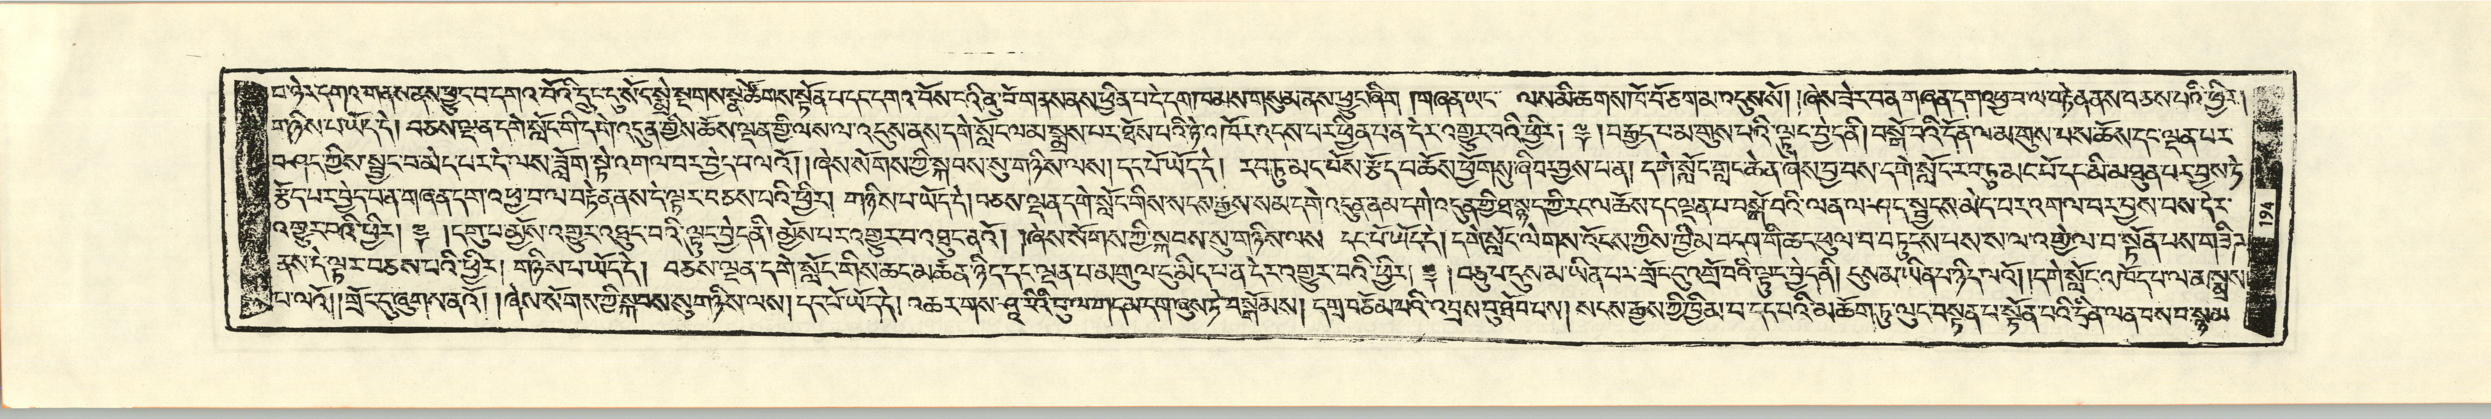བ་ཉེར་དགའ་གནས་ནས་ཕྱུང་བ་དགའ་བོའི་དྲུང་དུ་སོང་སྨྲེ་སྔགས་སྣ་ཚོགས་སྟོན་པ་དང་དགའ་བོས་ངའི་ནུ་བོ་གནས་ནས་ཕྱིན་པ་དེ་དག་ཁམས་གསུམ་ནས་ཕྱུང་ཞིག །གཞན་ཡང་ལས་མི་ཆགས་ཁོ་བོ་ཅག་མ་འདུས་སོ། །ཞེས་ཟེར་བ་ན་གཞན་དགའ་ཕྱ་བ་ལ་བརྟེན་ནས་བཅས་པའི་ཕྱིར།
གཉིས་པ་ཡོད་དེ། བཅས་ལྡན་དགེ་སློང་གི་དགེ་འདུན་གྱིས་ཆོས་ལྡན་གྱི་ལས་ལ་འདུས་ནས་དགེ་སློང་ལ་མ་སྨྲས་པར་ཐོས་པའི་ཉེ་འཁོར་འདས་པར་ཕྱིན་པ་ན་དེར་འགྱུར་བའི་ཕྱིར། ༈ །བརྒྱད་པ་མ་གུས་པའི་ལྟུང་བྱེད་ནི། བསྒོ་བའི་དོན་ལ་མ་གུས་པས་ཆོས་དང་ལྡན་པར་
བཤད་ཀྱིས་སྦྱང་བ་མེད་པར་དེ་ལས་ཟློག་སྟེ་འགལ་བར་བྱེད་པ་ལའོ། །ཞེས་སོགས་ཀྱི་སྐབས་སུ་གཉིས་ལས། དང་པོ་ཡོད་དེ། རབ་ཏུ་མང་པོས་རྩོད་པ་ཆོས་ཕྱོགས་སུ་ཞི་བར་བྱས་པ་ན། དགེ་སློང་གླང་ཆེན་ཞེས་བྱ་བས་དགེ་སློང་རབ་ཏུ་མང་པོ་དང་མི་མཐུན་པར་བྱས་ཏེ་
རྩོད་པར་བྱེད་པ་ན་གཞན་དག་འཕྱ་བ་ལ་བརྟེན་ནས་དེ་ལྟར་བཅས་པའི་ཕྱིར། གཉིས་པ་ཡོད་དེ། བཅས་ལྡན་དགེ་སློང་གིས་སངས་རྒྱས་སམ་དགེ་འདུན་ནམ་དགེ་འདུན་གྱི་ཐ་སྙད་ཀྱི་རང་ལ་ཆོས་དང་ལྡན་པ་བསྒོ་བའི་ལན་ལ་ཤད་སྦྱངས་མེད་པར་འགལ་བར་བྱས་པས་དེར་
འགྱུར་བའི་ཕྱིར། ༈ །དགུ་པ་མྱོས་འགྱུར་འཐུང་བའི་ལྟུང་བྱེད་ནི། མྱོས་པར་འགྱུར་བ་འཐུང་ནའོ། །ཞེས་སོགས་ཀྱི་སྐབས་སུ་གཉིས་ལས། དང་པོ་ཡོད་དེ། དགེ་སློང་ལེགས་འོངས་ཀྱིས་ཁྱིམ་བདག་གི་ཆང་ཕུལ་བ་བཏུངས་པས་ས་ལ་འགྱེལ་བ་སྟོན་པས་གཟིགས་
ནས་དེ་ལྟར་བཅས་པའི་ཕྱིར། གཉིས་པ་ཡོད་དེ། བཅས་ལྡན་དགེ་སློང་གིས་ཆང་མཚན་ཉིད་དང་ལྡན་པ་མ་གུལ་དུ་མིད་པ་ན་དེར་འགྱུར་བའི་ཕྱིར། ༈ །བཅུ་པ་དུས་མ་ཡིན་པར་གྲོང་དུ་འགྲོ་བའི་ལྟུང་བྱེད་ནི། དུས་མ་ཡིན་པ་ཉིད་ལའོ། །དགེ་སློང་འཁོད་པ་ལ་མ་སྨྲས་
པ་ལའོ། །གྲོང་དུ་ཞུགས་ནའོ། །ཞེས་སོགས་ཀྱི་སྐབས་སུ་གཉིས་ལས། དང་པོ་ཡོད་དེ། འཆར་གས་ཤཱ་རིའི་བུ་ལ་གདམ་དག་ཞུས་ཏེ་བསྒོམས། དགྲ་བཅོམ་པའི་འབྲས་བུ་ཐོབ་པས། སངས་རྒྱས་ཀྱི་ཁྱིམ་པ་དང་པའི་མཆོག་ཏུ་ལུང་བསྟན་པ་སྟོན་པའི་དྲིན་ལན་བསབ་སྙམ་